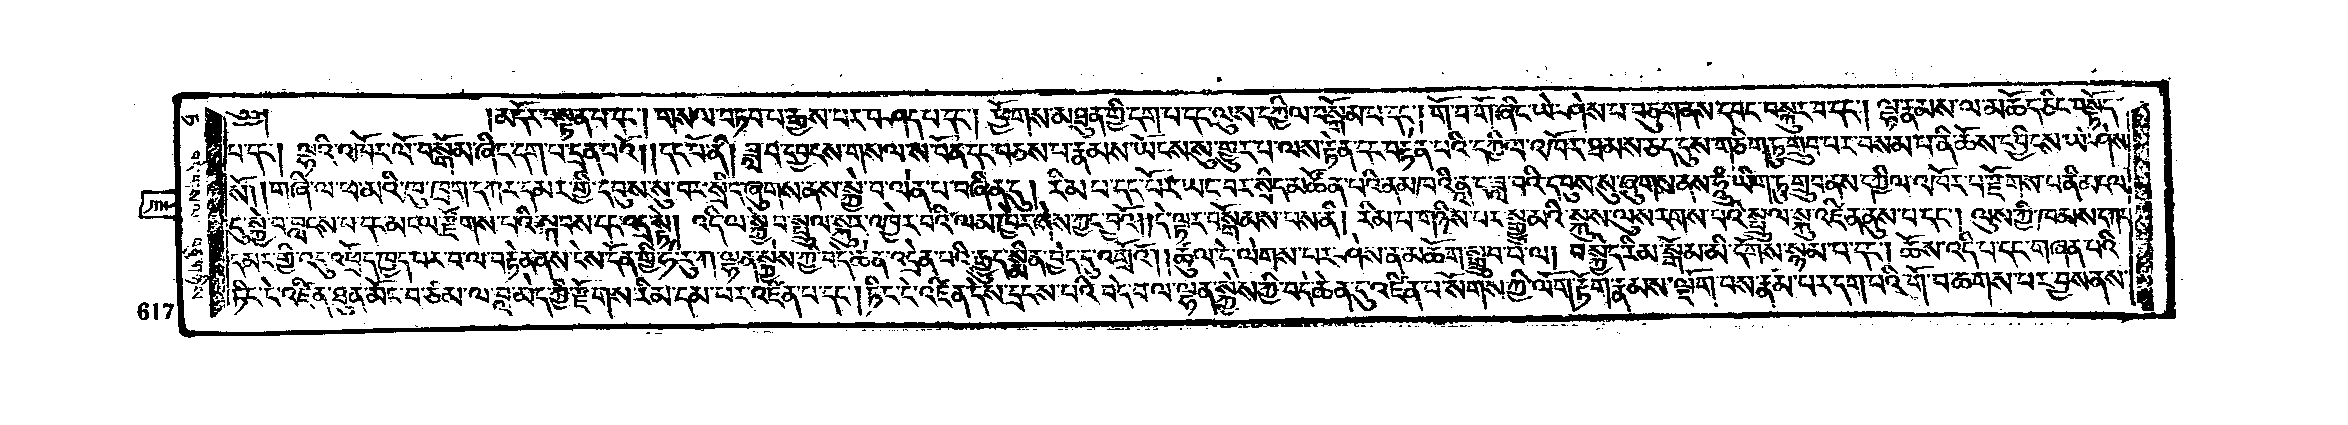༄༅། །མདོར་བསྟན་པ་དང་། གསལ་བཏབ་པ་རྒྱས་པར་བཤད་པ་དང་། ཕྱོགས་མཐུན་གྱི་དག་པ་དང་ལུས་དཀྱིལ་བསྒོམ་པ་དང་། གོ་བ་གོ་ཞིང་ཡེ་ཤེས་པ་བཅུག་ནས་དབང་བསྐུར་བ་དང་། ལྷ་རྣམས་ལ་མཆོད་ཅིང་བསྟོད་
པ་དང་། ལྷའི་འཁོར་ལོ་བསྒོམ་ཞིང་དག་པ་དྲན་པའོ། །དང་པོ་ནི། ཟླ་བ་དབྱངས་གསལ་ས་བོན་དང་བཅས་པ་རྣམས་ཡོངས་སུ་གྱུར་པ་ལས་རྟེན་དང་བརྟེན་པའི་དཀྱིལ་འཁོར་ཐམས་ཅད་དུས་གཅིག་ཏུ་གྲུབ་པར་བསམ་པ་ནི་ཆོས་དབྱིངས་ཡེ་ཤེས་
སོ། །གཞི་ལ་ཕ་མའི་ཁུ་ཁྲག་དཀར་དམར་གྱི་དབུས་སུ་བར་སྲིད་ཞུགས་ནས་སྐྱེ་བ་ལེན་པ་བཞིན་དུ། རིམ་པ་དང་པོར་ཡང་བར་སྲིད་མཚོན་པའི་ནམ་མཁའི་ནཱ་ད་ཟླ་བའི་དབུས་སུ་ཞུགས་ནས་ཧཱུཾ་ཡིག་ཏུ་གྲུབ་ནས་དཀྱིལ་འཁོར་པ་རྫོགས་པ་ནི་མངལ་
དུ་སྐྱེ་བ་བླངས་པ་དང་མངལ་རྫོགས་པའི་སྐབས་དང་འདྲ་སྟེ། འདི་ལ་སྐྱེ་བ་སྤྲུལ་སྐུར་འཁྱེར་བའི་ལམ་ཁྱེར་ཞེས་ཀྱང་བྱའོ། །དེ་ལྟར་བསྒོམས་པས་ནི། རིམ་པ་གཉིས་པར་སྒྱུ་མའི་སྐུས་ལུས་རགས་པའི་སྤྲུལ་སྐུ་འཛིན་ནུས་པ་དང་། ལུས་ཀྱི་ཁམས་དཀར་
དམར་གྱི་འདུ་འཕྲོད་ཁྱད་པར་བ་ལ་བརྟེན་ནས་ངེས་དོན་གྱི་ཧེ་རུ་ཀ་ལྷན་སྐྱེས་ཀྱི་བདེ་ཆེན་འདྲེན་པའི་རྒྱུད་སྨིན་བྱེད་དུ་འགྲོའོ། །ཚུལ་དེ་ལེགས་པར་ཤེས་ན་མཆོག་སྒྲུབ་པ་ལ། བསྐྱེད་རིམ་སྒོམ་མི་དགོས་སྙམ་པ་དང་། ཆོས་འདི་པ་དང་གཞན་པའི་
ཏིང་ངེ་འཛིན་ཐུན་མོང་བ་ཙམ་ལ་བླ་མེད་ཀྱི་རྫོགས་རིམ་དམ་པར་འཛིན་པ་དང་། ཏིང་ངེ་འཛིན་དེས་དྲངས་པའི་བདེ་བ་ལ་ལྷན་སྐྱེས་ཀྱི་བདེ་ཆེན་དུ་འཛིན་པ་སོགས་ཀྱི་ལོག་རྟོག་རྣམས་ལྡོག་པས་རྣམ་པར་དག་པའི་གོ་བ་ཆགས་པར་བྱས་ནས་